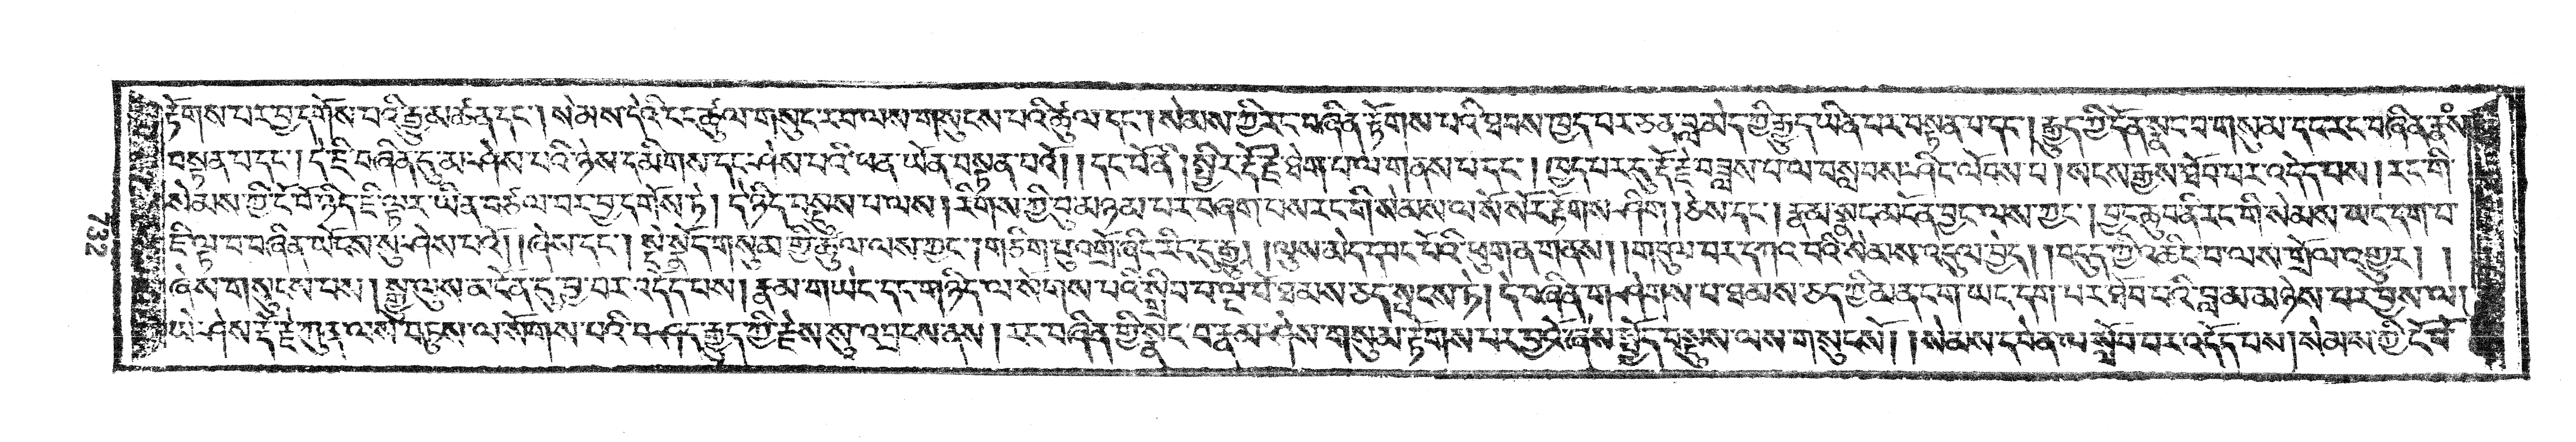རྟོགས་པར་བྱ་དགོས་པའི་རྒྱུ་མཚན་དང་། སེམས་དེའི་རང་ཚུལ་གསུང་རབ་ལས་གསུངས་པའི་ཚུལ་དང་། སེམས་ཀྱི་རང་བཞིན་རྟོགས་པའི་ཐབས་ཁྱད་པར་ཅན་བླ་མེད་ཀྱི་རྒྱུད་ཡིན་པར་བསྟན་པ་དང་། རྒྱུད་ཀྱི་དོན་སྣང་བ་གསུམ་དང་རང་བཞིན་རྣམས་
བསྟན་པ་དང་། དེ་ཇི་བཞིན་དུ་མ་ཤེས་པའི་ཉེས་དམིགས་དང་ཤེས་པའི་ཕན་ཡོན་བསྟན་པའོ། །དང་པོ་ནི། སྤྱིར་རྡོ་རྗེ་ཐེག་པ་ལ་གནས་པ་དང་། ཁྱད་པར་དུ་རྡོ་རྗེ་བཟླས་པ་ལ་བསླབས་ཤིང་ལོབས་པ། སངས་རྒྱས་ཐོབ་པར་འདོད་པས། རང་གི་
སེམས་ཀྱི་ངོ་བོ་ཉིད་ཇི་ལྟར་ཡིན་བཙལ་བར་བྱ་དགོས་ཏེ། དེ་ཉིད་བསྡུས་པ་ལས། རིགས་ཀྱི་བུ་མཉམ་པར་བཞག་པས་རང་གི་སེམས་ལ་སོ་སོར་རྟོགས་ཤིག །ཅེས་དང་། རྣམ་སྣང་མངོན་བྱང་ལས་ཀྱང་། བྱང་ཆུབ་ནི་རང་གི་སེམས་ཡང་དག་པ་
ཇི་ལྟ་བ་བཞིན་ཡོངས་སུ་ཤེས་པའོ། །ཞེས་དང་། སྡེ་སྣོད་གསུམ་གྱི་ཚུལ་ལས་ཀྱང་། གཅིག་པུ་འགྲོ་ཞིང་རིང་དུ་རྒྱུ། །ལུས་མེད་དབང་པོའི་ཕུག་ན་གནས། །གདུལ་བར་དཀའ་བའི་སེམས་འདུལ་བྱེད། །བདུད་ཀྱི་འཆིང་བ་ལས་གྲོལ་འགྱུར། །
ཞེས་གསུངས་པས། སྒྱུ་ལུས་མངོན་དུ་བྱ་བར་འདོད་པས། རྣམ་གཡེང་དང་གཉིད་ལ་སོགས་པའི་སྒྲིབ་པ་ལྔ་པོ་ཐམས་ཅད་སྤངས་ཏེ། དེ་བཞིན་གཤེགས་པ་ཐམས་ཅད་ཀྱི་མན་ངག་ཡང་དག་པར་ཐོབ་པའི་བླ་མ་མཉེས་པར་བྱས་ལ།
ཡེ་ཤེས་རྡོ་རྗེ་ཀུན་ལས་བཏུས་ལ་སོགས་པའི་བཤད་རྒྱུད་ཀྱི་རྗེས་སུ་འབྲངས་ནས། རང་བཞིན་གྱི་སྣང་བ་རྣམ་ཤེས་གསུམ་རྟོགས་པར་བྱའོ་ཞེས་སྤྱོད་བསྡུས་ལས་གསུངས་སོ། །སེམས་དབེན་ལ་སློབ་པར་འདོད་པས། སེམས་ཀྱི་ངོ་བོ་